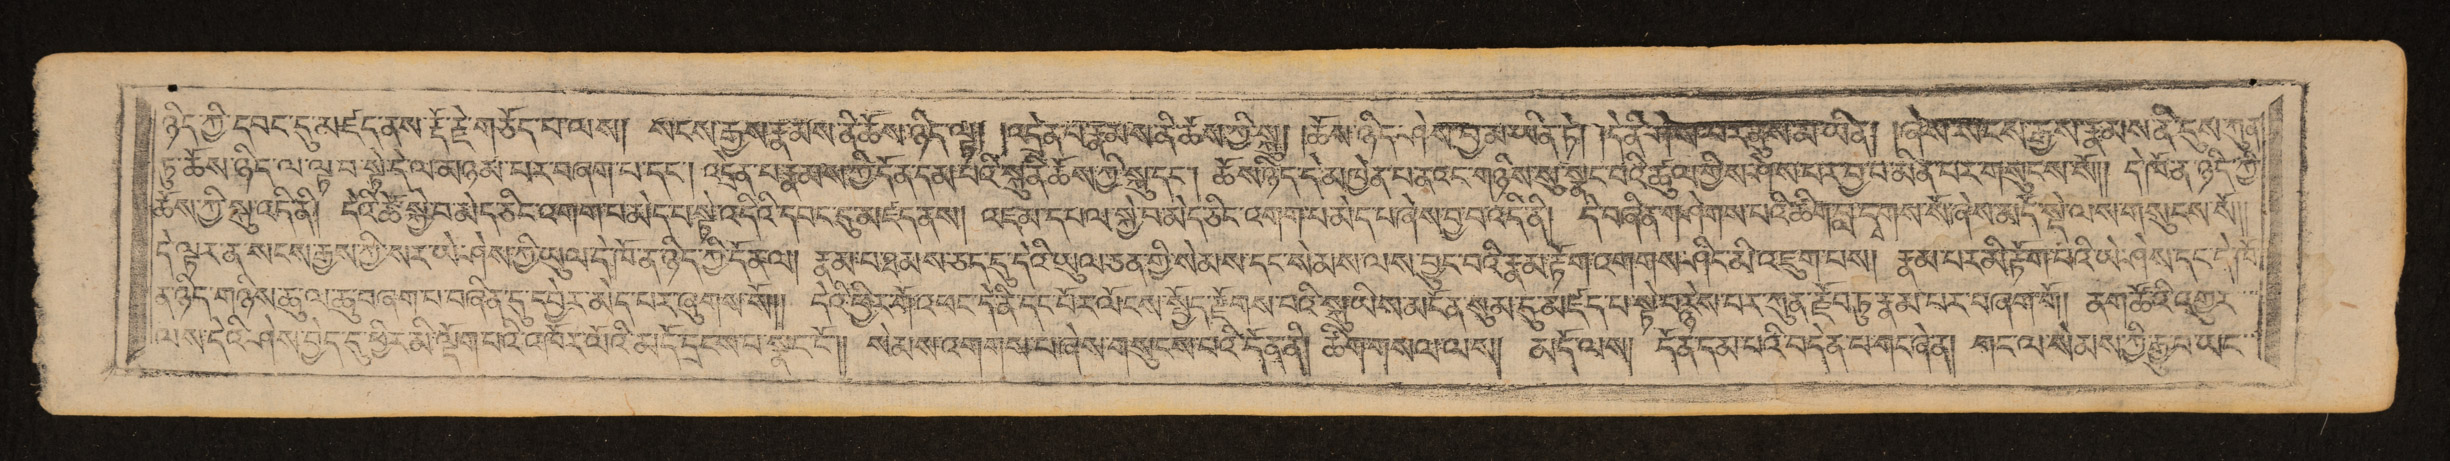ཉིད་ཀྱི་དབང་དུ་མཛད་ནས་རྡོ་རྗེ་གཅོད་པ་ལས། སངས་རྒྱས་རྣམས་ནི་ཆོས་ཉིད་ལྟ། །འདྲེན་པ་རྣམས་ནི་ཆོས་ཀྱི་སྐུ། །ཆོས་ཉིད་ཤེས་བྱ་མ་ཡིན་ཏེ། །དེ་ནི་ཤེས་པར་ནུས་མ་ཡིན། །ཞེས་སངས་རྒྱས་རྣམས་ནི་དུས་ཀུན་
ཏུ་ཆོས་ཉིད་ལ་ལྟ་བ་སྟེ་དེ་ལ་མཉམ་པར་བཞག་པ་དང་། འདྲེན་པ་རྣམས་ཀྱི་དོན་དམ་པའི་སྐུ་ནི་ཆོས་ཀྱི་སྐུ་དང་། ཆོས་ཉིད་དེ་མཁྱེན་པ་ནའང་གཉིས་སུ་སྣང་བའི་ཚུལ་གྱིས་ཤེས་པར་བྱ་བ་མིན་པར་གསུངས་སོ།། དེ་ཁོ་ན་ཉིད་ཀྱི་
ཆོས་ཀྱི་སྐུ་འདི་ནི། དེའི་ཚེ་སྐྱེ་བ་མེད་ཅིང་འགག་པ་མེད་པ་སྟེ་འདིའི་དབང་དུ་མཛད་ནས། འཇམ་དཔལ་སྐྱེ་བ་མེད་ཅིང་འགག་པ་མེད་པ་ཞེས་བྱ་བ་འདི་ནི། དེ་བཞིན་གཤེགས་པའི་ཚིག་བླ་དྭགས་སོ་ཞེས་མདོ་སྡེ་ལས་གསུངས་སོ།།
དེ་ལྟར་ན་སངས་རྒྱས་ཀྱི་སར་ཡེ་ཤེས་ཀྱི་ཡུལ་དེ་ཁོ་ན་ཉིད་ཀྱི་དོན་ལ། རྣམ་པ་ཐམས་ཅད་དུ་དེའི་ཡུལ་ཅན་གྱི་སེམས་དང་སེམས་ལས་བྱུང་བའི་རྣམ་རྟོག་འགགས་ཤིང་མི་འཇུག་པས། རྣམ་པར་མི་རྟོག་པའི་ཡེ་ཤེས་དང་དེ་ཁོ་
ན་ཉིད་གཉིས་ཆུ་ལ་ཆུ་བཞག་པ་བཞིན་དུ་དབྱེར་མེད་པར་ཞུགས་སོ།། དེའི་ཕྱིར་གོ་འཕང་དེ་ནི་དང་པོར་ལོངས་སྤྱོད་རྫོགས་པའི་སྐུ་ཡིས་མངོན་སུམ་དུ་མཛད་པ་སྟེ་བརྙེས་པར་ཀུན་རྫོབ་ཏུ་རྣམ་པར་བཞག་གོ། ནག་ཚོའི་འགྱུར་
ལས། དེའི་ཤེས་བྱེད་དུ་ཕྱིར་མི་ལྡོག་པའི་འཁོར་ལོའི་མདོ་དྲངས་པ་སྣང་ངོ།། སེམས་འགགས་པ་ཞེས་གསུངས་པའི་དོན་ནི། ཚིག་གསལ་ལས། མདོ་ལས། དོན་དམ་པའི་བདེན་པ་གང་ཞེ་ན། གང་ལ་སེམས་ཀྱི་རྒྱུ་བ་ཡང་